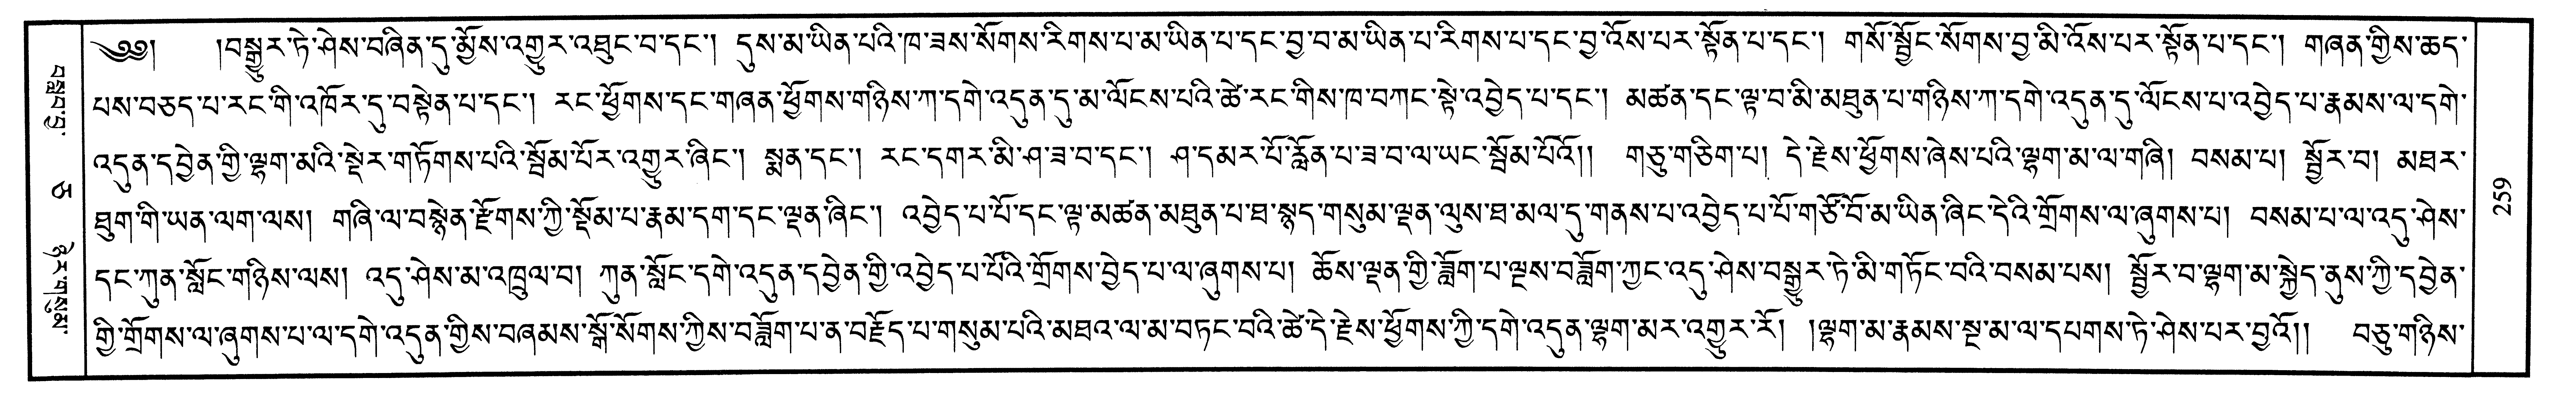༄༅། །བསྒྱུར་ཏེ་ཤེས་བཞིན་དུ་མྱོས་འགྱུར་འཐུང་བ་དང་། དུས་མ་ཡིན་པའི་ཁ་ཟས་སོགས་རིགས་པ་མ་ཡིན་པ་དང་བྱ་བ་མ་ཡིན་པ་མ་རིགས་པ་དང་བྱ་འོས་པར་སྟོན་པ་དང་། གསོ་སྦྱོང་སོགས་བྱ་མི་འོས་པར་སྟོན་པ་དང་། གཞན་གྱིས་ཆད་
པས་བཅད་པ་རང་གི་འཁོར་དུ་བསྟེན་པ་དང་། རང་ཕྱོགས་དང་གཞན་ཕྱོགས་གཉིས་ཀ་དགེ་འདུན་དུ་མ་ལོངས་པའི་ཚེ་རང་གིས་ཁ་བཀང་སྟེ་འབྱེད་པ་དང་། མཚན་དང་ལྟ་བ་མི་མཐུན་པ་གཉིས་ཀ་དགེ་འདུན་དུ་ལོངས་པ་འབྱེད་པ་རྣམས་ལ་དགེ་
འདུན་དབྱེན་གྱི་ལྷག་མའི་སྡེར་གཏོགས་པའི་སྦོམ་པོར་འགྱུར་ཞིང་། སྨན་དང་། རང་དགར་མི་ཤ་ཟ་བ་དང་། ཤ་དམར་པོ་རློན་པ་ཟ་བ་ལ་ཡང་སྦོམ་པོའོ།། གཅུ་གཅིག་པ། དེ་རྗེས་ཕྱོགས་ཞེས་པའི་ལྷག་མ་ལ་གཞི། བསམ་པ། སྦྱོར་བ། མཐར་
ཐུག་གི་ཡན་ལག་ལས། གཞི་ལ་བསྙེན་རྫོགས་ཀྱི་སྡོམ་པ་རྣམ་དག་དང་ལྡན་ཞིང་། འབྱེད་པ་པོ་དང་ལྟ་མཚན་མཐུན་པ་ཐ་སྙད་གསུམ་ལྡན་ལུས་ཐ་མལ་དུ་གནས་པ་འབྱེད་པ་པོ་གཙོ་བོ་མ་ཡིན་ཞིང་དེའི་གྲོགས་ལ་ཞུགས་པ། བསམ་པ་ལ་འདུ་ཤེས་
དང་ཀུན་སློང་གཉིས་ལས། འདུ་ཤེས་མ་འཁྲུལ་བ། ཀུན་སློང་དགེ་འདུན་དབྱེན་གྱི་འབྱེད་པ་པོའི་གྲོགས་བྱེད་པ་ལ་ཞུགས་པ། ཆོས་ལྡན་གྱི་ཟློག་པ་ལྔས་བཟློག་ཀྱང་འདུ་ཤེས་བསྒྱུར་ཏེ་མི་གཏོང་བའི་བསམ་པས། སྦྱོར་བ་ལྷག་མ་སྐྱེད་ནུས་ཀྱི་དབྱེན་
གྱི་གྲོགས་ལ་ཞུགས་པ་ལ་དགེ་འདུན་གྱིས་བཞམས་སྒོ་སོགས་ཀྱིས་བཟློག་པ་ན་བརྗོད་པ་གསུམ་པའི་མཐའ་ལ་མ་བཏང་བའི་ཚེ་དེ་རྗེས་ཕྱོགས་ཀྱི་དགེ་འདུན་ལྷག་མར་འགྱུར་རོ། །ལྷག་མ་རྣམས་སྔ་མ་ལ་དཔགས་ཏེ་ཤེས་པར་བྱའོ།། བཅུ་གཉིས་